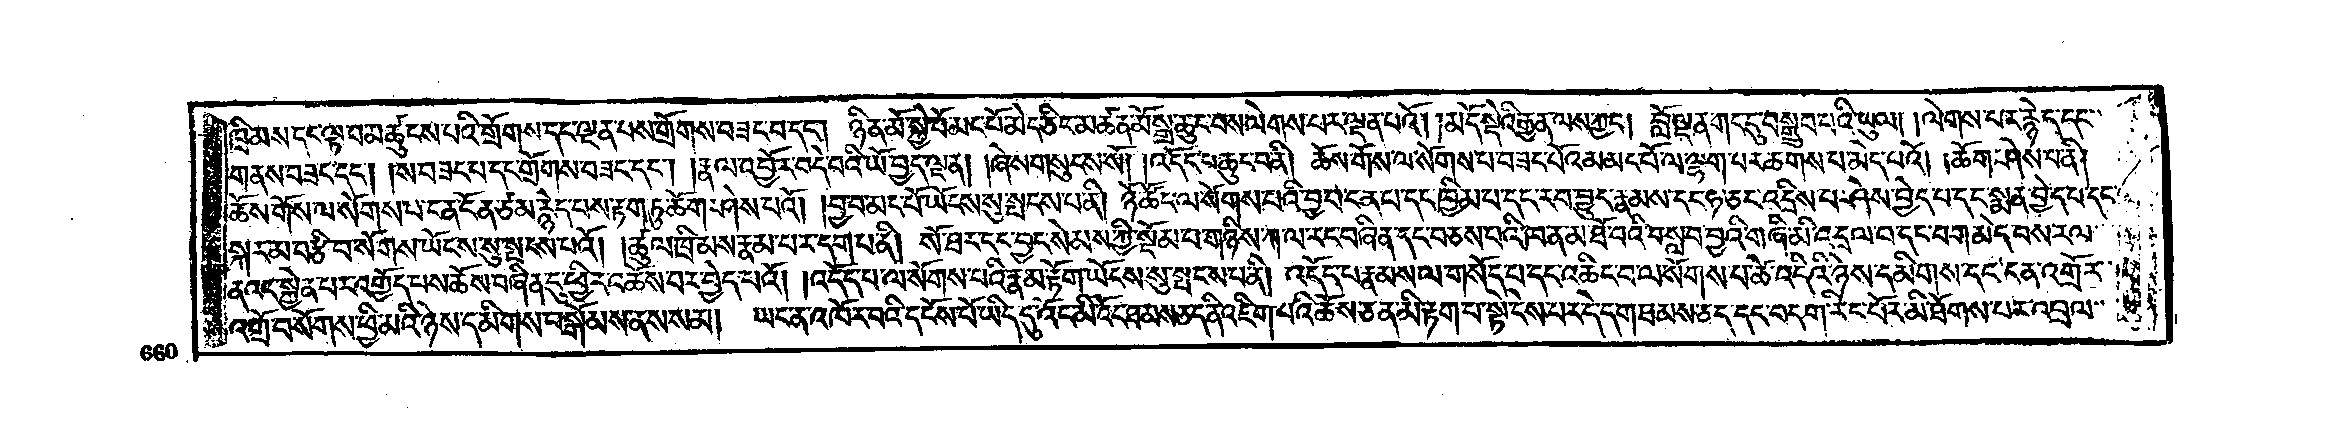ཁྲིམས་དང་ལྟ་བ་མཚུངས་པའི་གྲོགས་དང་ལྡན་པས་གྲོགས་བཟང་བ་དང་། ཉིན་མོ་སྐྱེ་བོ་མང་པོ་མེད་ཅིང་མཚན་མོ་སྒྲ་ཆུང་བས་ལེགས་པར་ལྡན་པའོ། །མདོ་སྡེའི་རྒྱན་ལས་ཀྱང་། བློ་ལྡན་གང་དུ་བསྒྲུབ་པའི་ཡུལ། །ལེགས་པར་རྙེད་དང་
གནས་བཟང་དང་། །ས་བཟང་བ་དང་གྲོགས་བཟང་དང་། །རྣལ་འབྱོར་བདེ་བའི་ཡོ་བྱད་ལྡན། །ཞེས་གསུངས་སོ། །འདོད་པ་ཆུང་བ་ནི། ཆོས་གོས་ལ་སོགས་པ་བཟང་པོའམ་མང་པོ་ལ་ལྷག་པར་ཆགས་པ་མེད་པའོ། །ཆོག་ཤེས་པ་ནི།
ཆོས་གོས་ལ་སོགས་པ་ངན་ངོན་ཙམ་རྙེད་པས་རྟག་ཏུ་ཆོག་ཤེས་པའོ། །བྱ་བ་མང་པོ་ཡོངས་སུ་སྤངས་པ་ནི། ཉོ་ཚོང་ལ་སོགས་པའི་བྱ་བ་ངན་པ་དང་ཁྱིམ་པ་དང་རབ་བྱུང་རྣམས་དང་ཧ་ཅང་འདྲིས་བཤེས་བྱེད་པ་དང་སྨན་བྱེད་པ་དང་
སྐར་མ་བརྩི་བ་སོགས་ཡོངས་སུ་སྤངས་པའོ། །ཚུལ་ཁྲིམས་རྣམ་པར་དག་པ་ནི། སོ་ཐར་དང་བྱང་སེམས་ཀྱི་སྡོམ་པ་གཉིས་ཀ་ལ་རང་བཞིན་དང་བཅས་པའི་ཁ་ན་མ་ཐོ་བའི་བསླབ་བྱའི་གཞི་མི་འདྲལ་བ་དང་བག་མེད་པས་རལ་
ནའང་སྐྱེན་པར་འགྱོད་པས་ཆོས་བཞིན་དུ་ཕྱིར་འཆོས་པར་བྱེད་པའོ། །འདོད་པ་ལ་སོགས་པའི་རྣམ་རྟོག་ཡོངས་སུ་སྤངས་པ་ནི། འདོད་པ་རྣམས་ལ་གསོད་པ་དང་འཆིང་བ་ལ་སོགས་པ་ཚེ་འདིའི་ཉེས་དམིགས་དང་ངན་འགྲོར་
འགྲོ་བ་སོགས་ཕྱི་མའི་ཉེས་དམིགས་བསྒོམས་ནས་སམ། ཡང་ན་འཁོར་བའི་དངོས་པོ་ཡིད་དུ་འོང་མི་འོང་ཐམས་ཅད་ནི་འཇིག་པའི་ཆོས་ཅན་མི་རྟག་པ་སྟེ་ངེས་པར་དེ་དག་ཐམས་ཅད་དང་བདག་རིང་པོར་མི་ཐོགས་པར་འབྲལ་